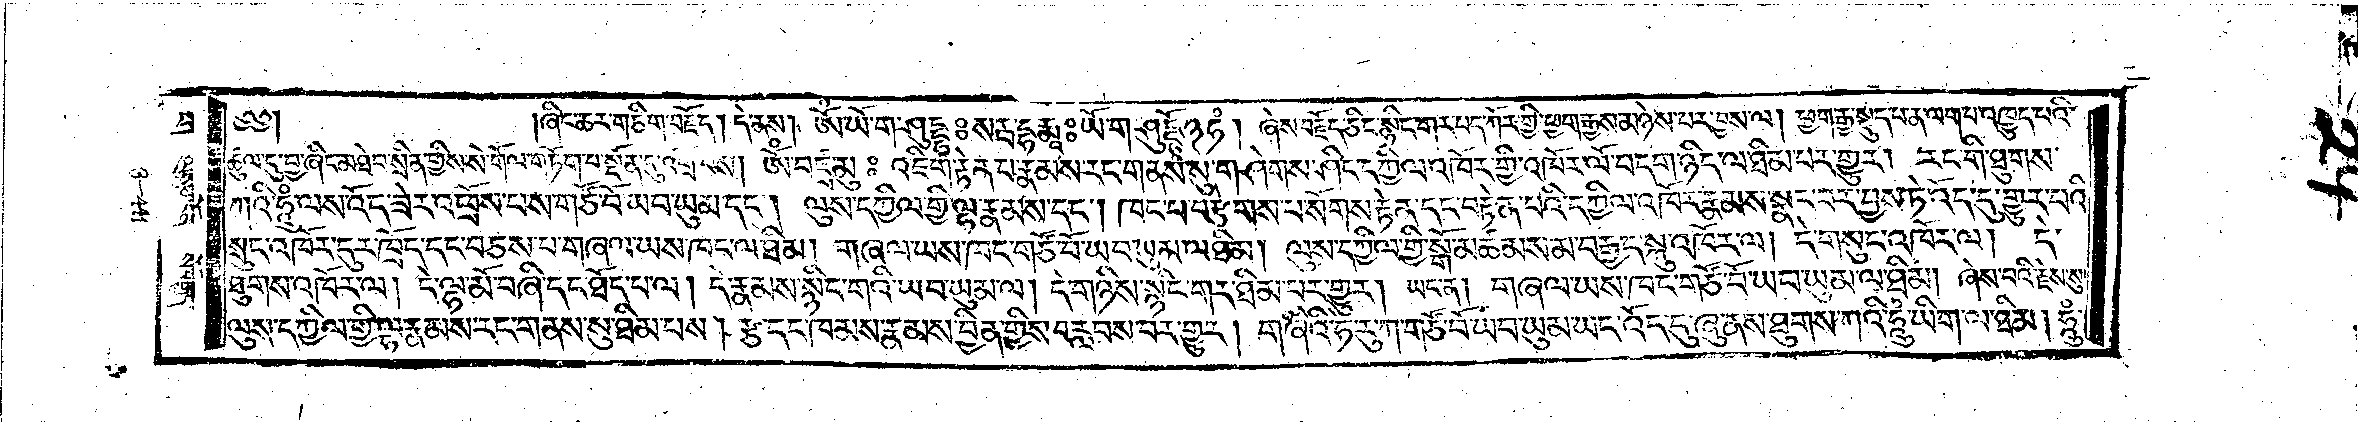༄༅། །ཞིང་ཆར་གཅིག་བརྗོད། དེ་ནས། ཨོཾ་ཡོ་ག་ཤུདྡྷཿསརྦ་དྷརྨཱཿཡོ་ག་ཤུདྡྷOཉཧཾ། ཞེས་བརྗོད་ཅིང་སྙིང་གར་པད་ཀོར་གྱི་ཕྱག་རྒྱས་མཉེས་པར་བྱས་ལ། ཕྱག་རྒྱ་སྡུད་པ་ན་ལག་པ་འཁྱུད་པའི་
ཚུལ་དུ་བྱ་ཞིང་མཐེབ་སྲིན་གྱིས་སེ་གོལ་གཏོག་པ་སྔོན་དུ་འགྲོ་བས། ཨོཾ་བཛྲ་མུཿའཇིག་རྟེན་པ་རྣམས་རང་གནས་སུ་གཤེགས་ཤིང་དཀྱིལ་འཁོར་གྱི་འཁོར་ལོ་བདག་ཉིད་ལ་ཐིམ་པར་གྱུར། རང་གི་ཐུགས་
ཀའི་ཧཱུཾ་ལས་འོད་ཟེར་འཕྲོས་པས་གཙོ་བོ་ཡབ་ཡུམ་དང་། ལུས་དཀྱིལ་གྱི་ལྷ་རྣམས་དང་། ཁང་པ་བརྩེགས་པ་སོགས་རྟེན་དང་བརྟེན་པའི་དཀྱིལ་འཁོར་རྣམས་སྣང་བར་བྱས་ཏེ་འོད་དུ་གྱུར་པའི་
སྲུང་འཁོར་དུར་ཁྲོད་དང་བཅས་པ་གཞལ་ཡས་ཁང་ལ་ཐིམ། གཞལ་ཡས་ཁང་གཙོ་བོ་ཡབ་ཡུམ་ལ་ཐིམ། ལུས་དཀྱིལ་གྱི་སྒོ་མཚམས་མ་བརྒྱད་སྐུ་འཁོར་ལ། དེ་གསུང་འཁོར་ལ། དེ་
ཐུགས་འཁོར་ལ། དེ་ལྷ་མོ་བཞི་དང་ཐོད་པ་ལ། དེ་རྣམས་སྙིང་གའི་ཡབ་ཡུམ་ལ། དེ་གཉིས་སྙིང་གར་ཐིམ་པར་གྱུར། ཡང་ན།  གཞལ་ཡས་ཁང་གཙོ་བོ་ཡབ་ཡུམ་ལ་ཐིམ། ཞེས་པའི་རྗེས་སུ
ལུས་དཀྱིལ་གྱི་ལྷ་རྣམས་རང་གནས་སུ་ཐིམ་པས། རྩ་དང་ཁམས་རྣམས་བྱིན་གྱིས་བརླབས་བར་གྱུར། གཞིའི་ཧེ་རུ་ཀ་གཙོ་བོ་ཡབ་ཡུམ་ཡང་འོད་དུ་ཞུ་ནས་ཐུགས་ཀའི་ཧཱུཾ་ཡིག་ལ་ཐིམ། ཧཱུཾ་